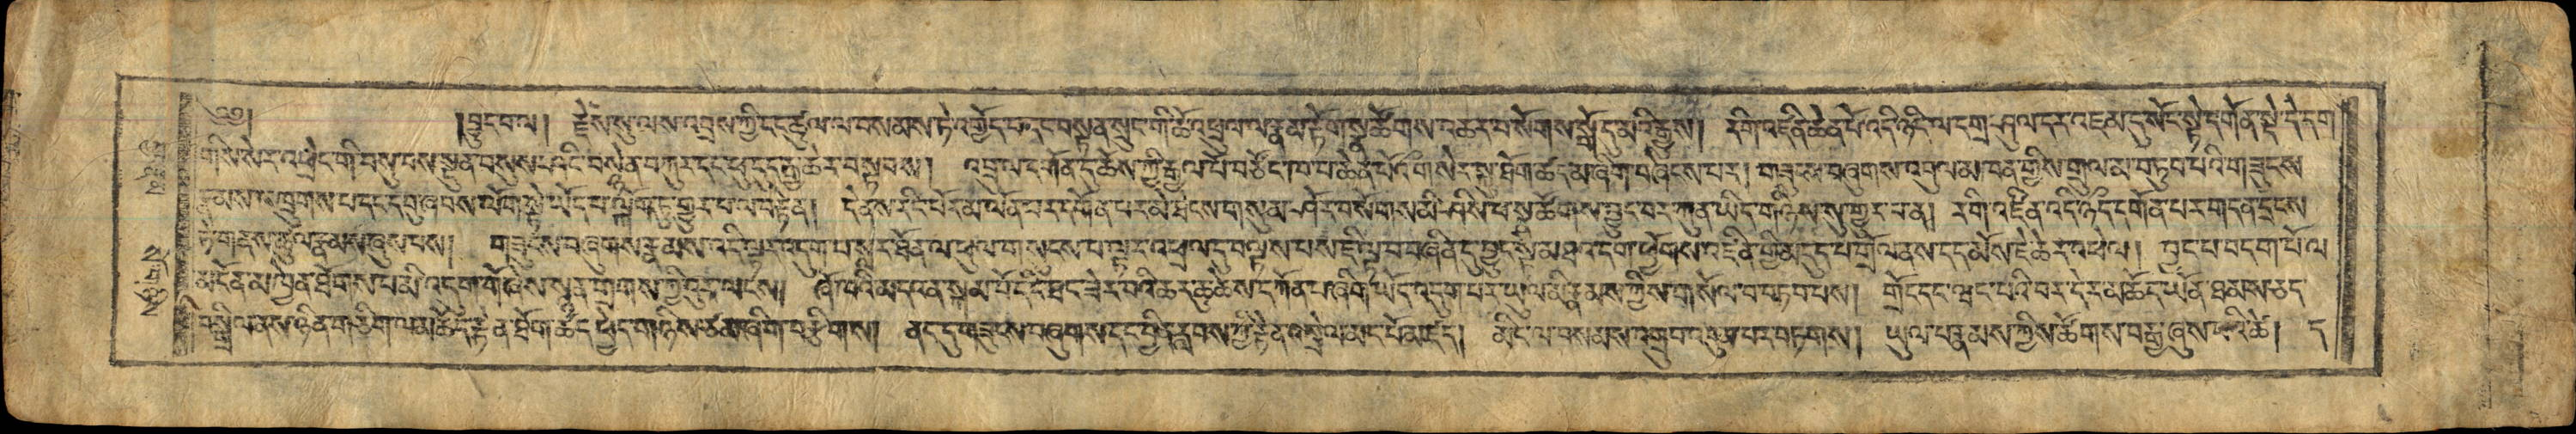༄༅། །བྱུང་བ་ལ། རྗེས་སུ་ལས་འབྲས་ཀྱི་ངང་ཚུལ་ལ་བསམས་ཏེ་འགྱོད་པ་དང་བསྟན་སྲུང་གི་ཆོ་འཕྲུལ་ལ་རྣམ་རྟོག་སྣ་ཚོགས་འཆར་བ་སོགས་སྒོ་དུ་མའི་རྒྱུས། རིག་འཛིན་ཆེན་པོ་འདི་ཉིད་ལ་དགྲ་ཤུལ་དར་འཇམ་དུ་སོང་སྟེ་དགོན་སྡེ་དེ་དག་
གིས་སེར་འཕྲེང་གི་བསུ་བས་སྡུན་བསུས་ཤང་བསྙེན་བཀུར་དང་ཕུ་དུད་རྒྱ་ཆེར་བསྟབས། འབྲུ་ལ་དགོན་དུ་ཆོས་ཀྱི་རྒྱལ་པོ་བཙོང་ཁ་པ་ཆེན་པོའི་གསེར་སྐུ་ཐོག་ཚད་མ་ཞིག་བཞེངས་པར། གཟུངས་བཞུགས་འབུལ་མཁན་གྱིས་གྲུལ་མ་བཏུབ་པའི་གཟུངས་
རྣམས་འཁྲུགས་པ་དང་དབུ་ཞབས་ལོག་སྟེ་ཡོད་པ་ལྐོག་ཏུ་གྱུར་པ་ལ་བརྟེན། དེ་ནས་རིང་པོར་མ་ལོན་པར་དགོན་པར་མེ་ཐེངས་གསུམ་ཤོར་བ་སོགས་མི་ཤིས་པ་སྣ་ཚོགས་བྱུང་བར་ཀུན་ཡིད་གཉིས་སུ་གྱུར་པ་ན། རིག་འཛིན་འདི་ཉིད་དགོན་པར་གདན་དྲངས་
ཏེ་གནས་ཚུལ་རྣམས་ཞུས་པས། གཟུངས་བཞུགས་རྣམས་འདི་ལྟར་འདུག་པ་སླར་ཐོན་ལ་ཕུལ་གསུངས་པ་ལྟར་འཕྲལ་དུ་བལྟས་པས་ཇི་ལྟ་བ་བཞིན་དུ་བྱུང་སྟེ་མཐའ་དག་ཕྱོགས་འཛིན་གྱི་མདུད་པ་གྲོལ་ནས་དད་མོས་ཇེ་ཆེར་འཕེལ། བྱང་པ་བདག་པོ་ལ་
མངོན་མཁྱེན་ཐོགས་པ་མི་འདུག་གོ་ཞེས་སྙན་གྲགས་ཀྱི་འུར་ལངས། ཞོ་ཁའི་མངའ་ན་སྐམ་པོ་དིང་ཐང་ཟེར་བའི་ཆར་ཆུ་ཆེས་དཀོན་པ་ཞིག་ཡོད་འདུག་པར་ཡུལ་མི་རྣམས་ཀྱིས་གསོལ་བ་བཏབ་པས། གྲོང་དང་ཝང་བའི་བར་དེར་མཆོད་ཡོན་ཐམས་ཅད་
བསྒྲིལ་ནས་ཉིན་གཅིག་ལ་མཆོད་རྟེན་ཐོག་ཚད་ཕྱེད་གཉིས་ཙམ་ཞིག་བརྩིགས། ནང་དུ་གཟུངས་བཞུགས་དང་བྱིན་རླབས་ཀྱི་རྟེན་འབྲེལ་མང་པོ་མཛད། མིང་ལ་བསམས་འགྲུབ་འབུམ་པར་བཏགས། ཡུལ་པ་རྣམས་ཀྱིས་ཚོགས་བརྒྱ་ཞུས་པའི་ཚེ། ང་